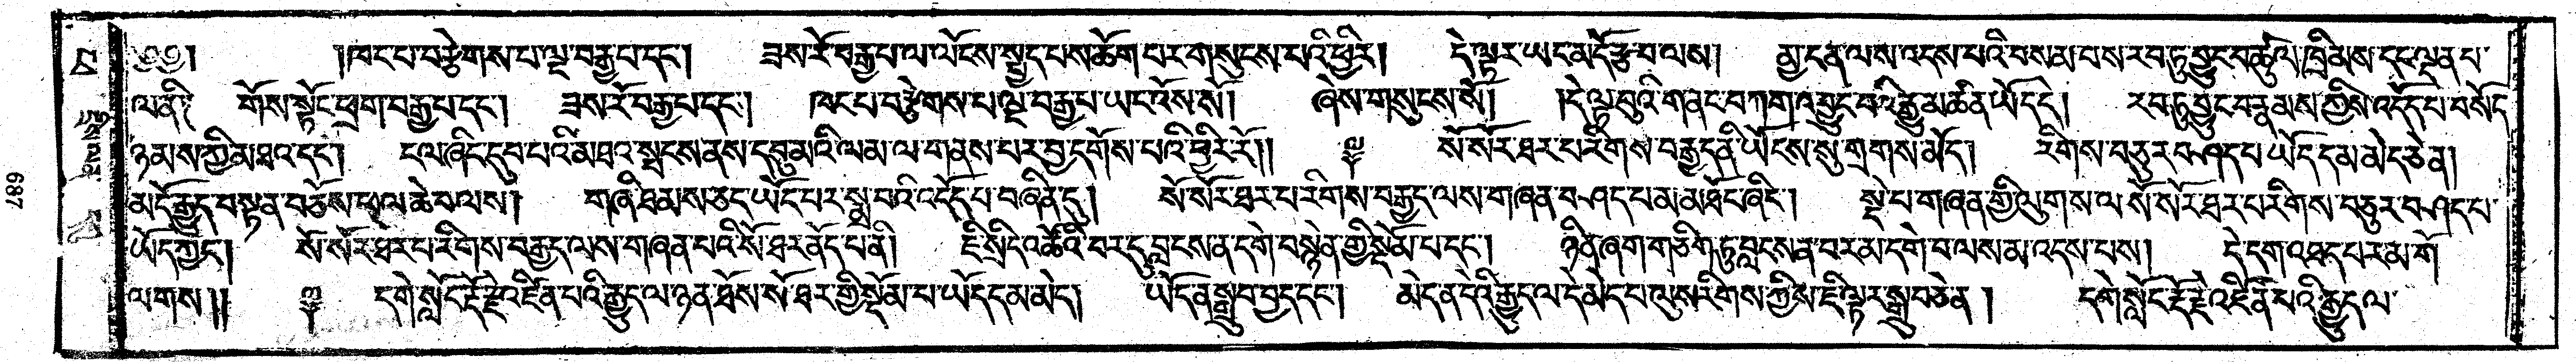༄༅། །ཁང་པ་བརྩེགས་པ་ལྔ་བརྒྱ་པ་དང་། ཟས་རོ་བརྒྱ་པ་ལ་ལོངས་སྤྱད་པས་ཆོག་པར་གསུངས་པའི་ཕྱིར། དེ་ལྟར་ཡང་མདོ་རྩ་བ་ལས། མྱ་ངན་ལས་འདས་པའི་བསམ་པས་རབ་ཏུ་བྱུང་བ་ཚུལ་ཁྲིམས་དང་ལྡན་པ་
ལ་ནི༑ གོས་སྟོང་ཕྲག་བརྒྱ་པ་དང་། ཟས་རོ་བརྒྱ་པ་དང་། ཁང་པ་བརྩེགས་པ་ལྔ་བརྒྱ་པ་ཡང་འོས་སོ། ཞེས་གསུངས་སོ། །དེ་ལྟ་བུའི་གནང་བཀག་འབྱུང་བའི་རྒྱུ་མཚན་ཡོད་དེ། རབ་ཏུ་བྱུང་བ་རྣམས་ཀྱིས་འདོད་པ་བསོད་
ཉམས་ཀྱི་མཐའ་དང་། དལ་ཞིང་དུབ་པའི་མཐའ་སྤངས་ནས་དབུ་མའི་ལམ་ལ་གནས་པར་བྱ་དགོས་པའི་ཕྱིར་རོ།། ༈ སོ་སོར་ཐར་པ་རིགས་བརྒྱད་ནི་ཡོངས་སུ་གྲགས་མོད། རིགས་བཅུར་བཤད་པ་ཡོད་དམ་མེད་ཅེ་ན།
མདོ་རྒྱུད་བསྟན་བཅོས་ཕལ་ཆེ་བ་ལས། གཞི་ཐམས་ཅད་ཡོད་པར་སྨྲ་བའི་འདོད་པ་བཞིན་དུ། སོ་སོར་ཐར་པ་རིགས་བརྒྱད་ལས་གཞན་བཤད་པ་མ་མཐོང་ཞིང་། སྡེ་པ་གཞན་གྱི་ལུགས་ལ་སོ་སོར་ཐར་པ་རིགས་བཅུར་བཤད་པ་
ཡོད་ཀྱང་། སོ་སོར་ཐར་པ་རིགས་བརྒྱད་ལས་གཞན་པའི་སོ་ཐར་ནོད་པ་ནི། ཇི་སྲིད་འཚོའི་བར་དུ་བླངས་ན་དགེ་བསྙེན་གྱི་སྡོམ་པ་དང་། ཉིན་ཞག་གཅིག་ཏུ་བླངས་ན་བར་མ་དགེ་བ་ལས་མ་འདས་པས། དེ་དག་འཐད་པར་མགོ་
ལགས།། ༈ དགེ་སློང་རྡོ་རྗེ་འཛིན་པའི་རྒྱུད་ལ་ཉན་ཐོས་སོ་ཐར་གྱི་སྡོམ་པ་ཡོད་དམ་མེད། ཡོད་ན་སྒྲུབ་བྱད་དང་། མེད་ན་དེའི་རྒྱུད་ལ་དེ་མེད་པ་ལུས་རིགས་ཀྱིས་ཇི་ལྟར་སྒྲུབ་ཅེ་ན། དགེ་སློང་རྡོ་རྗེ་འཛིན་པའི་རྒྱུད་ལ་